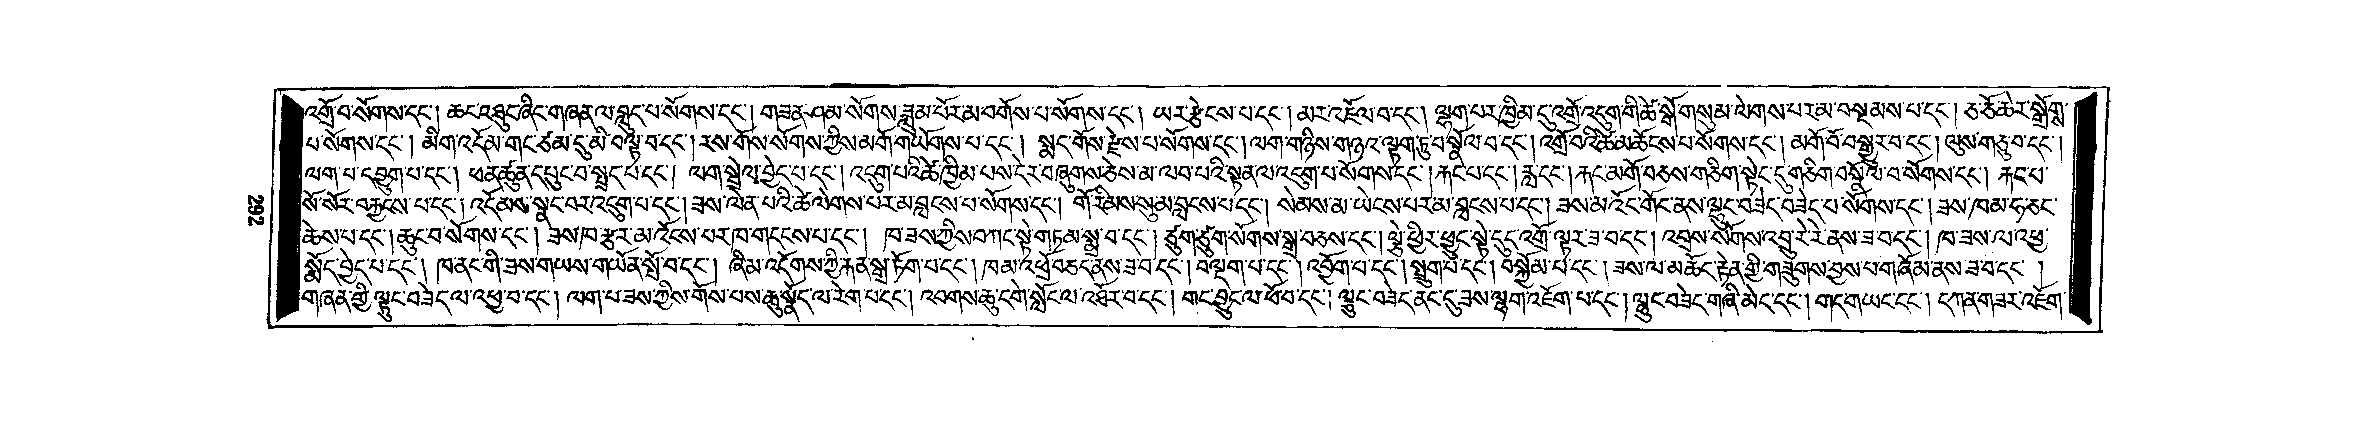འགྲོ་བ་སོགས་དང་། ཆང་འཐུང་ཞིང་གཞན་ལ་བླུད་པ་སོགས་དང་། གཟན་ཤམ་སོགས་ཟླུམ་པོར་མ་བགོས་པ་སོགས་དང་། ཡར་རྩེངས་པ་དང་། མར་འཇོལ་བ་དང་། ལྷག་པར་ཁྱིམ་དུ་འགྲོ་འདུག་གི་ཚེ་སྒོ་གསུམ་ལེགས་པར་མ་བསྡམས་པ་དང་། ཅ་ཅོ་ཆེར་སྒྲོགས་
པ་སོགས་དང་། མིག་འདོམ་གང་ཙམ་དུ་མི་བལྟ་བ་དང་། རས་གོས་སོགས་ཀྱིས་མགོ་གཡོགས་པ་དང་། སྨད་གོས་རྫེས་པ་སོགས་དང་། ལག་གཉིས་གཉའ་ལྟག་ཏུ་བསྣོལ་བ་དང་། འགྲོ་བའི་ཚེ་མཆོངས་པ་སོགས་དང་། མགོ་བོ་བསྒྱུར་བ་དང་། ལུས་གཅུ་བ་དང་།
ལག་པ་དབྱུག་པ་དང་། ཕན་ཚུན་དཔུང་བ་སྤྲད་པ་དང་། ལག་སྦྲེལ་བྱེད་པ་དང་། འདུག་པའི་ཚེ་ཁྱིམ་པས་དེར་བཞུགས་ཅེས་མ་ལབ་པའི་སྟན་ལ་འདུག་པ་སོགས་དང་། རྐང་པ་དང་། རླ་དང་། རྐང་མགོ་བཅས་གཅིག་སྟེང་དུ་གཅིག་བསྣོལ་བ་སོགས་དང་། རྐང་པ་
སོ་སོར་བརྐྱངས་པ་དང་། འདོམས་སྣང་བར་འདུག་པ་དང་། ཟས་ལེན་པའི་ཚེ་ལེགས་པར་མ་བླངས་པ་སོགས་དང་། གོ་རིམས་སུ་མ་བླངས་པ་དང་། སེམས་མ་ཡེངས་པར་མ་བླངས་པ་དང་། ཟས་མ་འོང་གོང་ནས་ལྷུང་བཟེད་བཟེད་པ་སོགས་དང་། ཟས་ཁམ་ཧ་ཅང་
ཆེས་པ་དང་། ཆུང་བ་སོགས་དང་། ཟས་ཁ་རྩར་མ་འོངས་པར་ཁ་གདངས་པ་དང་། ཁ་ཟས་ཀྱིས་བཀང་སྟེ་གཏམ་སྨྲ་བ་དང་། ཙུག་ཙུག་སོགས་སྒྲ་བཅས་དང་། ལྕེ་ཕྱིར་ཕྱུང་སྟེ་དུད་འགྲོ་ལྟར་ཟ་བ་དང་། འབྲས་སོགས་འབྲུ་རེ་རེ་ནས་ཟ་བ་དང་། ཁ་ཟས་ལ་འཕྱ་
སྨོད་བྱེད་པ་དང་། ཁ་ནང་གི་ཟས་གཡས་གཡོན་སྤོ་བ་དང་། ཞིམ་འདོགས་ཀྱི་རྐན་སྒྲ་ཏོག་པ་དང་། ཁམ་འཕྲོ་བཅད་ནས་ཟ་བ་དང་། བལྡག་པ་དང་། འབྱོག་པ་དང་། སྤྲུག་པ་དང་། བསྐྱོམ་པ་དང་། ཟས་ལ་མཆོད་རྟེན་གྱི་གཟུགས་བྱས་པ་གཞོམ་ནས་ཟ་བ་དང་།
གཞན་གྱི་ལྟུང་བཟེད་ལ་འཕྱ་བ་དང་། ལག་པ་ཟས་ཀྱིས་གོས་པས་ཆུ་སྣོད་ལ་རེག་པ་དང་། འབགས་ཆུ་དགེ་སློང་ལ་འཐོར་བ་དང་། གང་བྱུང་ལ་ཕོ་བ་དང་། ལྷུང་བཟེད་ནང་དུ་ཟས་ལྷག་འཇོག་པ་དང་། ལྷུང་བཟེད་གཞི་མེད་དང་། གད་གཡང་དང་། དཀན་གཟར་འཇོག་